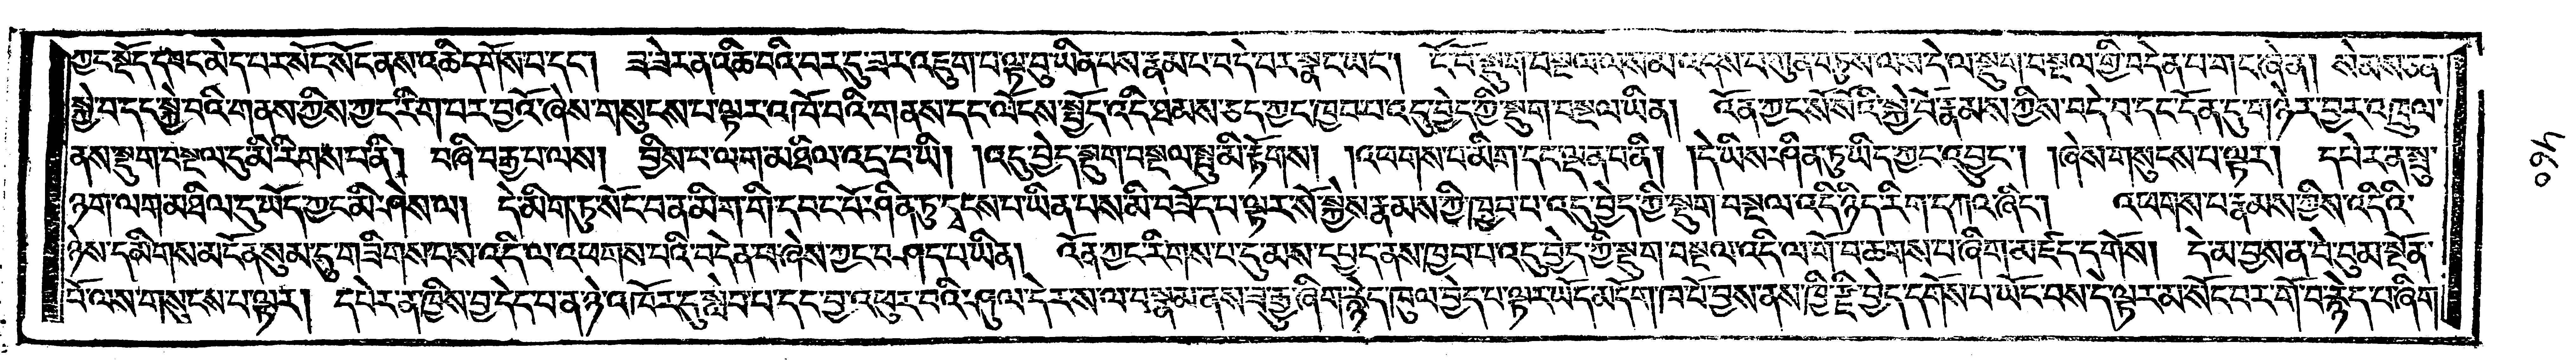ཀྱང་སྡོད་དབང་མེད་པར་སོང་སོང་ནས་འཆི་དགོས་པ་དང་། ཟ་ཟེར་ན་འཆི་བའི་བར་དུ་ཟར་འཇུག་པ་ལྟ་བུ་ཡིན་པས་རྣམ་པ་བདེ་བར་སྣང་ཡང་། ངོ་བོ་སྡུག་བསྔལ་ལས་མ་འདས་པ་ཀུན་བཏུས་ལས་དེ་ལ་སྡུག་བསྔལ་གྱི་བདེན་པ་གང་ཞེ་ན། སེམས་ཅན་
སྐྱེ་བ་དང་སྐྱེ་བའི་གནས་ཀྱིས་ཀྱང་རིག་པར་བྱའོ་ཞེས་གསུངས་པ་ལྟར་འཁོར་བའི་གནས་དང་ལོངས་སྤྱོད་འདི་ཐམས་ཅད་ཀྱང་ཁྱབ་པ་འདུ་བྱེད་ཀྱི་སྡུག་བསྔལ་ཡིན། འོན་ཀྱང་སོ་སོའི་སྐྱེ་བོ་རྣམས་ཀྱིས་བདེ་བ་དང་དོན་དུ་གཉེར་བྱར་འཁྲུལ་
ནས་སྡུག་བསྔལ་དུ་མི་རིགས་པ་ནི། བཞི་བརྒྱ་པ་ལས། བྱིས་པ་ལག་མཐིལ་འདྲ་བ་ཡིན། །འདུ་བྱེད་སྡུག་བསྔལ་སྤུ་མི་རྟོགས། །འཕགས་པ་མིག་དང་ལྡན་པ་ནི། །དེ་ཡིས་ཤིན་ཏུ་ཡིད་ཀྱང་འབྱུང་། །ཞེས་གསུངས་པ་ལྟར། དཔེར་ན་སྤུ་
ཉག་ལག་མཐིལ་དུ་ཡོད་ཀྱང་མི་ཤེས་ལ། དེ་མིག་ཏུ་སོང་བ་ན་མིག་གི་དབང་པོ་ཤིན་ཏུ་དྲྭངས་པ་ཡིན་པས་མི་བཟོད་པ་ལྟར་སོ་སྐྱེས་རྣམས་ཀྱི་ཁྱབ་པ་འདུ་བྱེད་ཀྱི་སྡུག་བསྔལ་འདི་ཉིད་རིག་དཀའ་ཞིང་། འཕགས་པ་རྣམས་ཀྱིས་འདིའི་
ཉེས་དམིགས་མངོན་སུམ་དུ་གཟིགས་པས་འདི་ལ་འཕགས་པའི་བདེན་པ་ཞེས་ཀྱང་བཤད་པ་ཡིན། འོན་ཀྱང་རིགས་པ་དུ་མས་དཔྱད་ནས་ཁྱབ་པ་འདུ་བྱེད་ཀྱི་སྡུག་བསྔལ་འདི་ལ་གོ་བ་ཆགས་པ་ཞིག་མཛད་དགོས། དེ་མ་བྱས་ན་བེ་བུམ་སྔོན་
པོ་ལས་གསུངས་པ་ལྟར། དཔེར་ན་ཀྱིས་བྱ་དེད་པ་ན་ཉེ་འཁོར་དུ་སླེབ་པ་དང་བྱ་འཕུར་བའི་ཤུལ་དེར་ས་ལ་བསྣམ་ནས་ཟ་རྒྱུ་ཞིག་རྙེད་ཁུལ་བྱེད་པ་ལྟར་ཡོད་མདོག་ཁ་པོ་བྱས་ནས་ཁྱི་རྫི་བྱེད་དགོས་པ་ཡོང་བས་དེ་ལྟར་མ་སོང་བར་གོ་བརྙེད་པ་ཞིག་